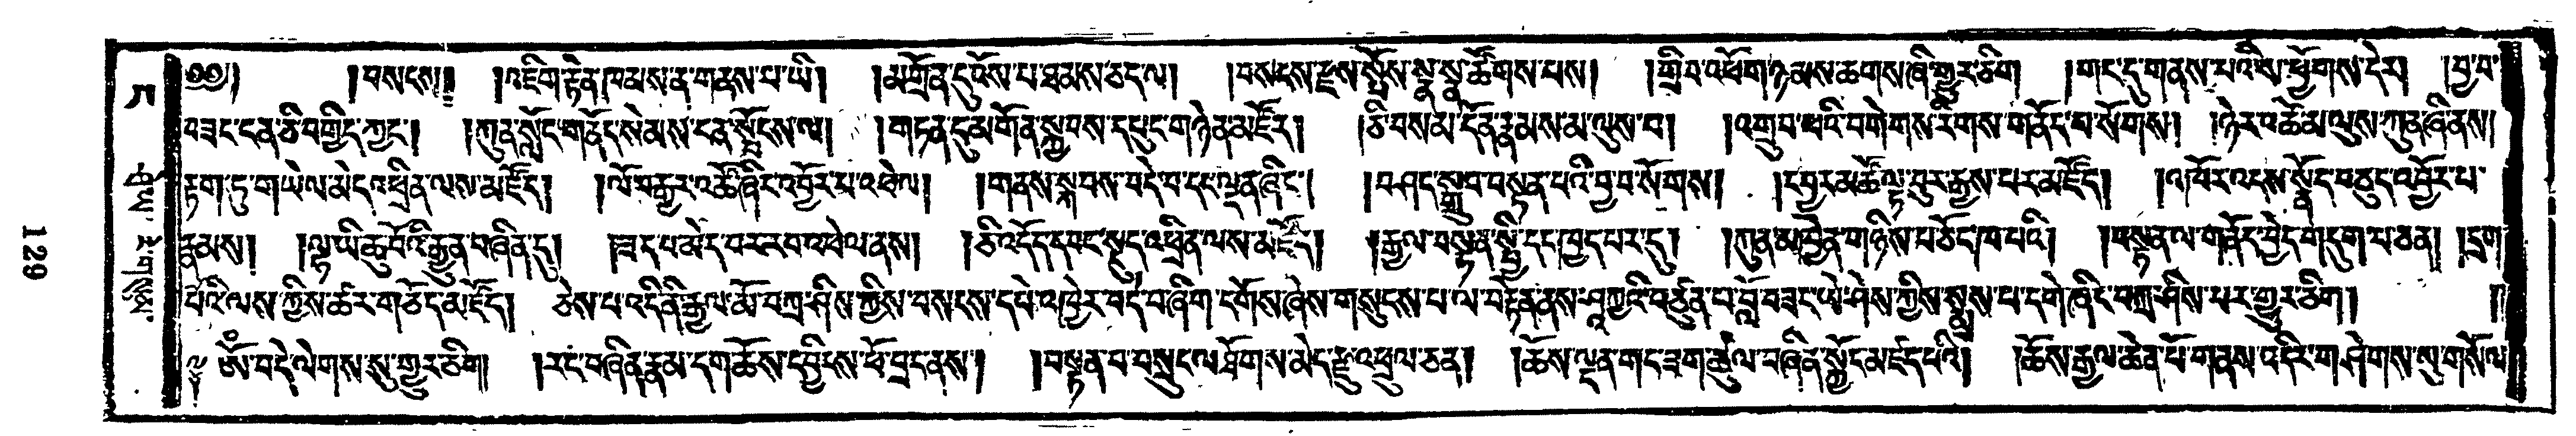༄༅། །བསངས། །འཇིག་རྟེན་ཁམས་ན་གནས་པ་ཡི། །མགྲོན་དུ་འོས་པ་ཐམས་ཅད་ལ། །བསངས་རྫས་སྤོས་སྣ་སྣ་ཚོགས་པས། །གྲིབ་འཕོག་ཉམས་ཆགས་ཞི་གྱུར་ཅིག །གང་དུ་གནས་པའི་ས་ཕྱོགས་དེར། །བྱ་བ་
བཟང་ངན་ཅི་བགྱིད་ཀྱང་། །ཀུན་སློང་གནོད་སེམས་ངན་སྦོངས་ལ། །གཏན་དུ་མགོན་སྐྱབས་དཔུང་གཉེན་མཛོར། །ཅི་བསམ་དོན་རྣམས་མ་ལུས་བ། །འགྲུབ་ཕའི་བགེགས་རིགས་གནོད་པ་སོགས། །ཉེར་འཚེ་མ་ལུས་ཀུན་ཞི་ནས།
རྟག་ཏུ་གཡེལ་མེད་འཕྲིན་ལས་མཛོད། །ལོ་བརྒྱར་འཚོ་ཞིང་འབྱོར་པ་འཕེལ། །གནས་སྐབས་བདེ་བ་དང་ལྡན་ཞིང་། །བཤད་སྒྲུབ་བསྟན་པའི་བྱ་བ་སོགས། །དབྱར་མཚོ་ལྟ་བུར་རྒྱས་པར་མཛོད། །འཁོར་འདས་སྣོད་བཅུད་འབྱོར་པ་
རྣམས། །ལྷ་ཡི་ཆུ་བོའི་རྒྱུན་བཞིན་དུ། །ཟད་པ་མེད་བར་རབ་འཕེལ་ནས། །ཅི་འདོད་དབང་སྡུད་འཕྲིན་ལས་མཛོད། །རྒྱལ་བསྟན་སྤྱི་དང་ཁྱད་པར་དུ། །ཀུན་མཁྱེན་གཉིས་པ་ཅོང་ཁ་པའི། །བསྟན་ལ་གནོད་བྱེད་གདུག་པ་ཅན། །དྲག་
པོའི་ལས་ཀྱིས་ཚར་གཅོད་མཛོད། ཅེས་པ་འདི་ནི་རྒྱལ་མོ་བཀྲ་ཤིས་ཀྱིས་བསངས་དཔེ་འཁྱེར་བདེ་བ་ཞིག་དགོས་ཞེས་གསུངས་པ་ལ་བརྟེན་ནས་ཤཱཀྱའི་བཙུན་པ་བློ་བཟང་ཡེ་ཤེས་ཀྱིས་སྨྲས་པ་དགེ་ཞིང་བཀྲ་ཤིས་པར་གྱུར་ཅིག། །།
༈ ཨོཾ་བདེ་ལེགས་སུ་གྱུར་ཅིག། །རང་བཞིན་རྣམ་དག་ཆོས་དབྱིངས་ཕོ་བྲང་ནས། །བསྟན་པ་བསྲུང་ལ་ཐོགས་མེད་རྫུ་འཕྲུལ་ཅན། །ཆོས་ལྡན་གང་ཟག་ཚུལ་བཞིན་སྐྱོང་མཛད་པའི། །ཆོས་རྒྱལ་ཆེན་པོ་གནས་འདིར་གཤེགས་སུ་གསོལ་